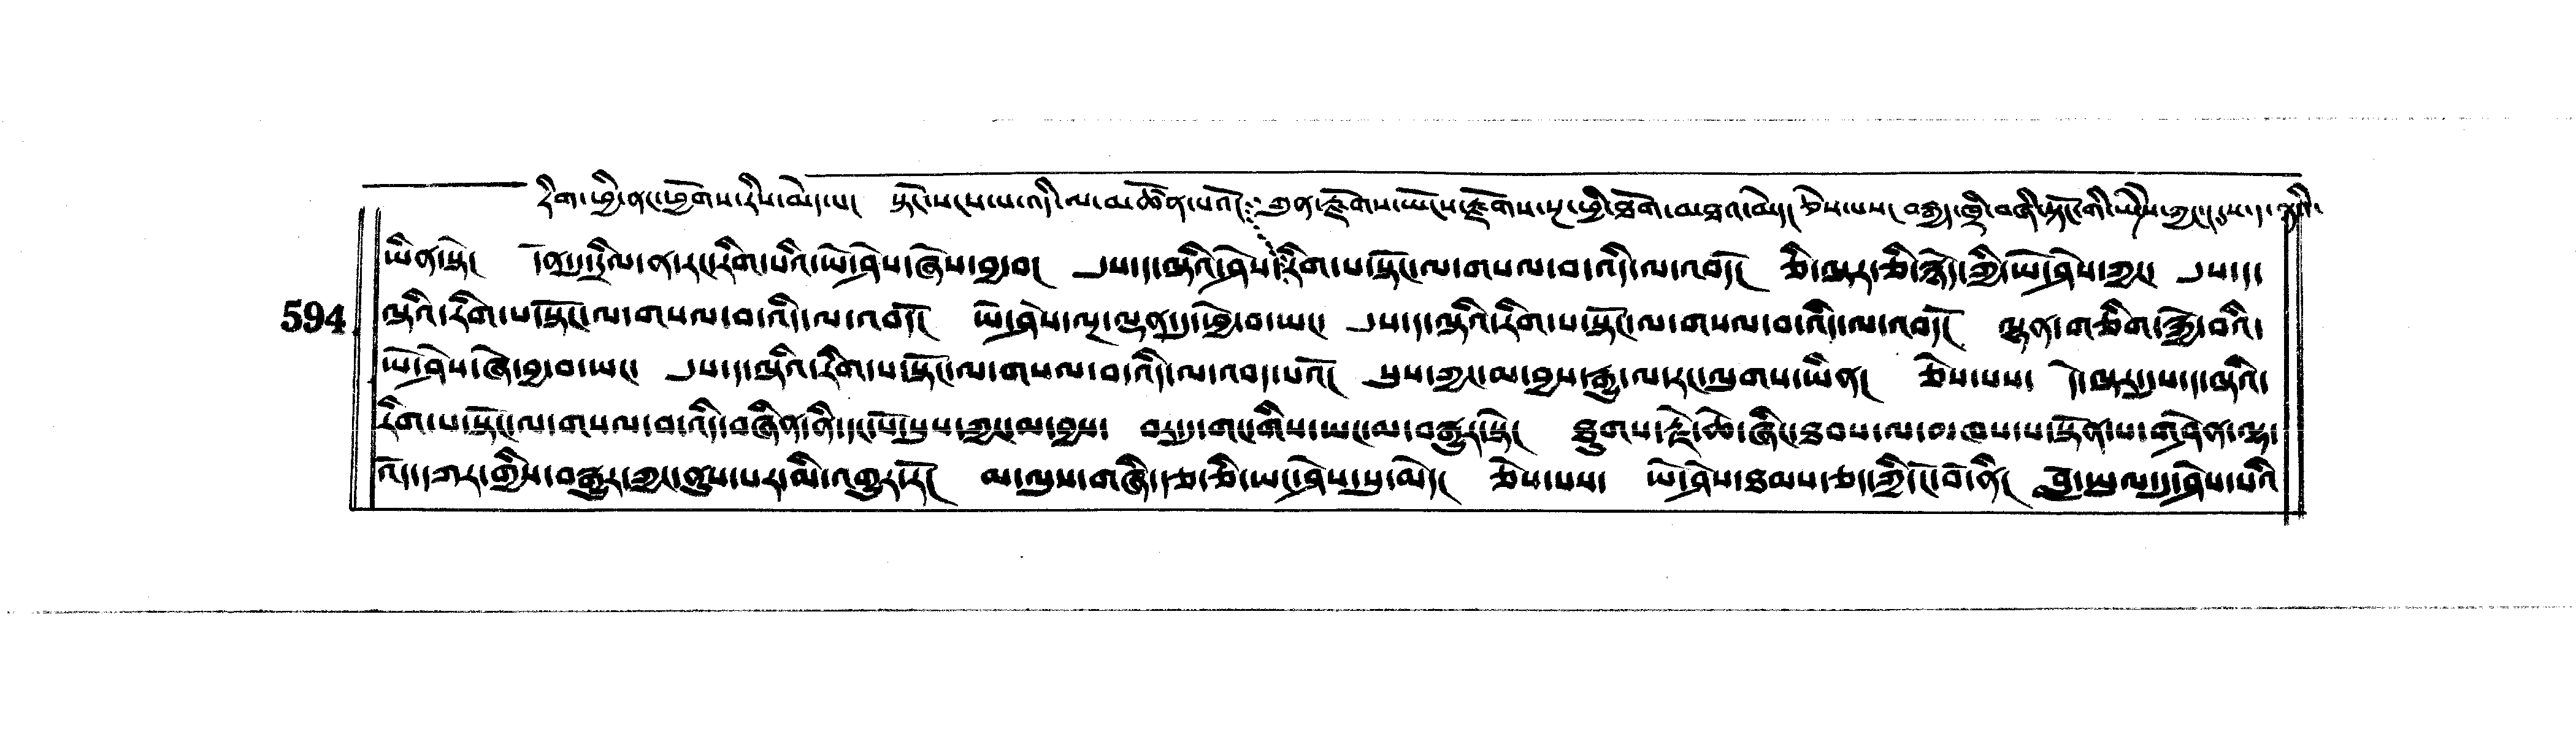ཡིན་ཏེ། དོན་དུ་དྲིལ་ན་རང་རིག་པའི་ཡེ་ཤེས་ཞེས་བྱ་བ། དུས་ད་ལྟའི་ཤེས་རིག་ཕྱི་ནང་ཕྱོགས་རིས་མེད་པ། སྟོང་སང་པ་འདི་ལ་མཚོན་པའོ། ཀུན་རྫོགས་ཡོངས་རྫོགས་སྔ་ཕྱི་ཐོག་མཐའ་མེད། ཅེས་པས། བརྒྱད་ཁྲི་བཞི་སྟོང་གི་ཡེ་ཤེས་ཀྱང་། དུས་ད་ལྟའི་
རིག་པ་སྟོང་ལ་གསལ་བ་འདི་ལ་འབད་དོ། ཅི་ལྟ་ཅི་སྙེད་ཀྱི་ཡེ་ཤེས་ཀྱང་། དུས་ད་
ལྟའི་རིག་པ་སྟོང་ལ་གསལ་བ་འདི་ལ་འབད་དོ། ཡེ་ཤེས་ལྔ་ལྡན་དུ་ཕྱེ་བ་ཡང་། དུས་ད་ལྟའི་རིག་པ་སྟོང་ལ་གསལ་བ་འདི་ལ་འབད་དོ། ལྷན་ཅིག་སྐྱེས་པའི་
ཡེ་ཤེས་ཞེས་བྱ་བ་ཡང་དུས་ད་ལྟའི་རིག་པ་སྟོང་ལ་གསལ་བ་འདི་ལ་འབད་དོ། སུས་ཀྱང་མ་བྱས་རྒྱུ་ལ་རང་ལུགས་ཡིན། ཅེས་པས། དེ་ལྟར་དུས་ད་ལྟའི་
རིག་པ་སྟོང་ལ་གསལ་བ་འདི་བཞིན་ནི་དང་པོ་སུས་ཀྱང་མ་བྱས། བར་དུ་གང་གིས་ཀྱང་མ་བསྒྱུར་ཏེ། ཐུགས་རྗེ་ཆེ་ཞིང་ཐབས་ལ་མཁས་པ་སྟོན་པ་གཤེན་ལྷ་
འོད་དཀར་གྱིས་བསྒྱུར་ཀྱང་ནུས་པར་མི་འགྱུར་རོ། མ་ལུས་གཞི་རྩ་ཅི་ཡང་ཤེས་སུ་མེད། ཅེས་པས། ཡེ་ཤེས་ཐམས་ཅད་ཀྱི་ངོ་བོ་ནི། བློ་ཡུལ་དུ་ཤེས་པའི་